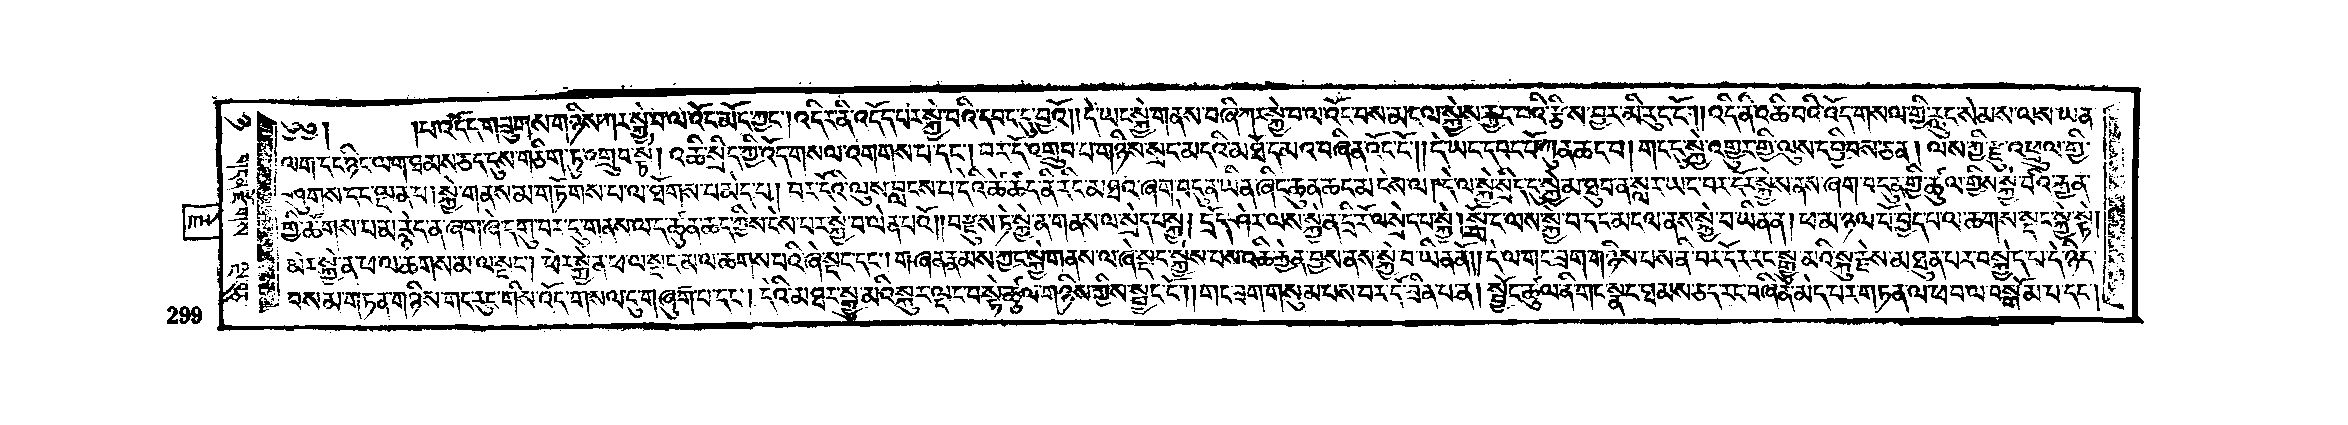༄༅། །པ་འདོད་གཟུགས་གཉིས་ཀར་སྐྱེ་བ་ལ་འོང་མོད་ཀྱང་། འདིར་ནི་འདོད་པར་སྐྱེ་བའི་དབང་དུ་བྱའོ། །དེ་ཡང་སྐྱེ་གནས་བཞི་ཀར་སྐྱེ་བ་ལ་འོང་བས་མངལ་སྐྱེས་རྐྱང་པའི་རྩིས་བྱར་མི་རུང་ངོ། །འདི་ནི་འཆི་བའི་འོད་གསལ་གྱི་རླུང་སེམས་ལས་ཡན་
ལག་དང་ཉིད་ལག་ཐམས་ཅད་དུས་གཅིག་ཏུ་འགྲུབ་སྟེ། འཆི་སྲིད་ཀྱི་འོད་གསལ་འགགས་པ་དང་། བར་དོ་འགྲུབ་པ་གཉིས་སྲང་མདའི་མཐོ་དམའ་བཞིན་འོང་ངོ། །དེ་ཡང་དབང་པོ་ཀུན་ཆང་བ། གང་དུ་སྐྱེ་འགྱུར་གྱི་ལུས་དབྱིབས་ཅན། ལས་ཀྱི་རྫུ་འཕྲུལ་གྱི་
ཤུགས་དང་ལྡན་པ། སྐྱེ་གནས་མ་གཏོགས་པ་ལ་ཐོགས་པ་མེད་པ། བར་དོའི་ལུས་བླངས་པ་དེའི་ཆེ་ཚད་ནི་རིང་མཐའ་ཞག་བདུན་ཡིན་ཞིང་ཚུན་ཆད་མ་ངེས་ལ། དེ་ལ་སྐྱེ་སྲིད་དུ་སྐྱེ་མ་ཐུབ་ན་སླར་ཡང་བར་དོར་སྐྱེས་ནས་ཞག་བདུན་གྱི་ཚུལ་གྱིས་སྐྱེ་བའི་རྐྱན་
གྱི་ཚོགས་པ་མ་རྙེད་ན་ཞག་ཞེ་དགུ་བར་དུ་གནས་ལ་ད་ཚུན་ཆད་ཀྱིས་ངས་པར་སྐྱེ་བ་ལེན་པའོ། །བརྫུས་ཏེ་སྐྱེ་ན་གནས་ལ་སྲེད་པ་སྐྱེ། དྲོད་ཤེར་ལས་སྐྱེ་ན་དྲི་རོ་ལ་སྲེད་པ་སྐྱེ། སྒོ་ང་ལས་སྐྱེ་བ་དང་མངལ་ནས་སྐྱེ་བ་ཡིན་ན། ཕ་མ་ཉལ་པོ་བྱེད་པ་ལ་ཆགས་སྡང་སྐྱེ་སྟེ།
མོར་སྐྱེ་ན་ཕ་ལ་ཆགས་མ་ལ་སྡང་། ཕར་སྐྱེ་ན་ཕ་ལ་སྡང་མ་ལ་ཆགས་པའི་ཞེ་སྡང་དང་། གཞན་རྣམས་ཀྱང་སྐྱེ་གནས་ལ་ཞེ་སྡང་སྐྱེས་པས་འཆི་རྐྱེན་བྱས་ནས་སྐྱེ་བ་ཡིན་ནོ། །དེ་ལ་གང་ཟག་གཉིས་པས་ནི་བར་དོར་རང་སྒྱུ་མའི་སྐུ་རྗེས་མཐུན་པར་བསྐྱེད་པ་དེ་ཉིད་
བསམ་གཏན་གཉིས་གང་རུང་གིས་འོད་གསལ་དུ་གཞུག་པ་དང་། དེའི་མཐར་སྒྱུ་མའི་སྐུར་ལྡང་བ་སྟེ་ཚུལ་གཉིས་ཀྱིས་སྦྱང་ངོ། །གང་ཟག་གསུམ་པས་བར་དོ་ཟིན་པ་ན། སྦྱོང་ཚུལ་ནི་གང་སྣང་ཐམས་ཅད་རང་བཞིན་མེད་པར་གཏན་ལ་ཕབ་ལ་བསྒོམ་པ་དང་།